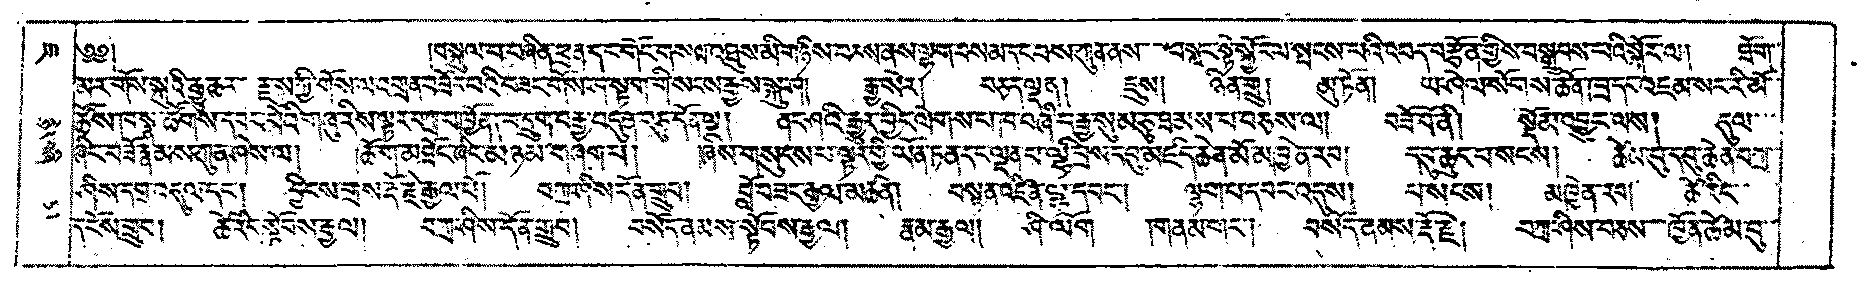༄༅། །བསྐུལ་བ་བཞིན་ཕྲན་དང་གོང་གསལ་འཐུས་མི་གཉིས་བཅས་ནས་ལྷག་བསམ་དང་བས་ཀུན་ནས་བསླང་སྟེ་སྐྱོ་ངལ་སྤངས་པའི་འབད་བརྩོན་གྱིས་བསྒྲུབས་པའི་སྐོར་ལ། ཐོག་
མར་གོས་སྐུའི་རྒྱུ་ཆར་རྫས་ཀྱི་གོས་ལ་འགྲན་བཟོད་པའི་བཟང་གོས་ཤ་སྟག་གི་སངས་རྒྱས་སྐུ་ཤ། རྒྱ་སེར། བཅད་ལྡན། ཇུས། ཉིན་གྲུ། མུ་ཏོན། ཡ་ཤེལ་སོགས་ཚོན་ཁྲ་དང་འཇམ་སང་རི་མོ་
ཚོས་ཁ་སྣ་ཚོགས་དབང་པོའི་གཞུ་རིས་ལྟར་བཀྲ་བ་ཁྱོན་ཁ་དྲུག་བརྒྱ་བདུན་བཅུ་དོན་ལྔ། ནང་ཤའི་རྒྱུར་བྱིང་ལེགས་པ་ཁ་བཞི་བརྒྱ་སུམ་ཅུ་ཐམས་པ་བཅས་ལ། བཟོ་བོ་ནི། སྡོམ་འབྱུང་ལས། དུལ་
ཞིང་བཟོ་རྣམས་ཀུན་ཤེས་ལ། །ཆོ་ག་མཐོང་ཞིང་མཉམ་གཞག་པ། །ཞེས་གསུངས་པ་ལྟར་གྱི་ཡོན་ཏན་དང་ལྡན་པ་ལྷ་བྲིས་དབུ་མཛད་ཆེན་མོ་མཁྱེན་རབ། དབུ་ཆུང་པ་སངས། ཚེམ་བུ་དབུ་ཆེན་བཀྲ་
ཤིས་དགྲ་འདུལ་དང་། བྱིངས་གྲས་རྡོ་རྗེ་རྒྱལ་པོ། བཀྲ་ཤིས་དོན་གྲུབ། བློ་བཟང་རྒྱལ་མཚན། བསྟན་འཛིན་ལྷ་དབང་། ལྷག་པ་དབང་འདུས། པ་སངས། མཁྱེན་རབ། ཚེ་རིང་
དངོས་གྲུབ། ཚེ་རིང་སྟོབས་རྒྱལ། བཀྲ་ཤིས་དོན་གྲུབ། བསོད་ནམས་སྟོབས་རྒྱལ། རྣམ་རྒྱལ། ཤི་ལོག །གནམ་གང་། བསོད་ནམས་རྡོ་རྗེ། བཀྲ་ཤིས་བཅས་ཁྱོན་ཚེམ་བུ་